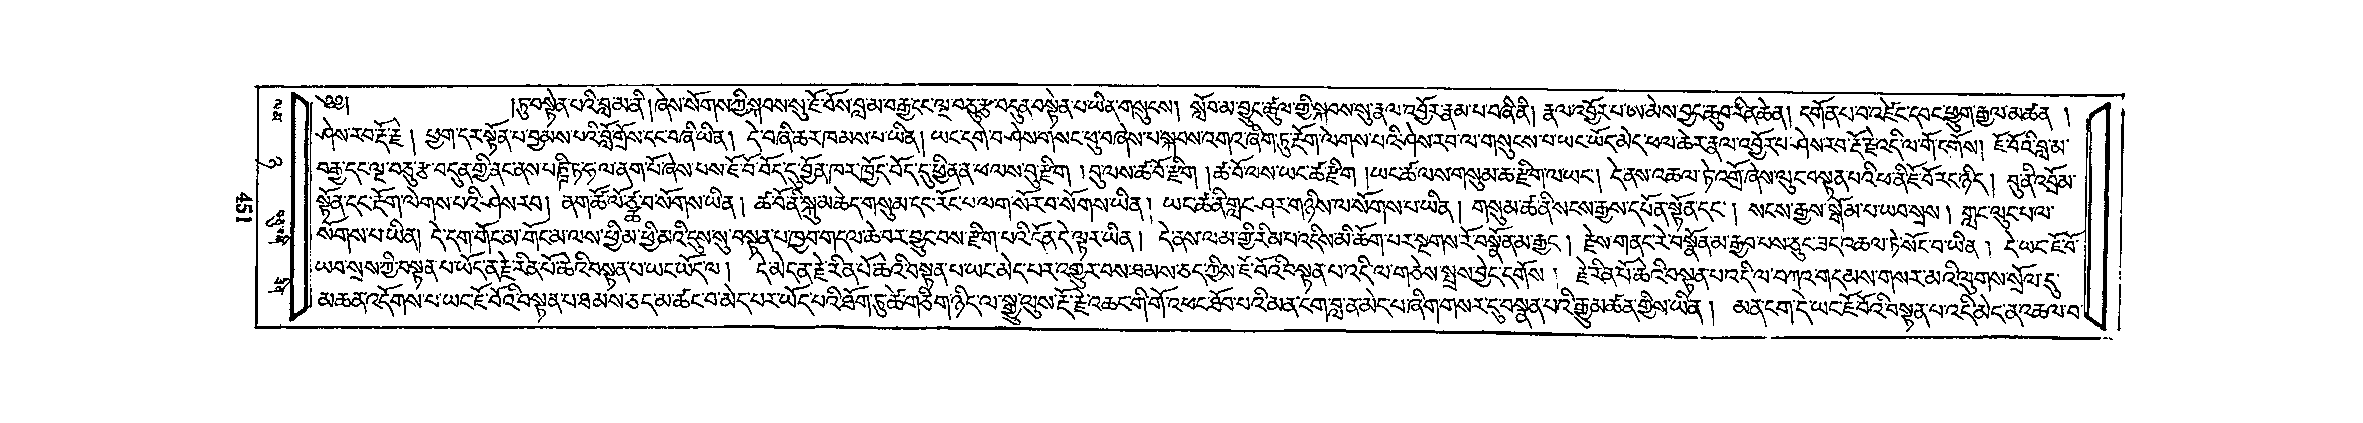༄༅། །ཏུ་བསྟེན་པའི་བླ་མ་ནི། ཞེས་སོགས་ཀྱི་སྐབས་སུ་ཇོ་བོས་བླ་མ་བརྒྱ་དང་ལྔ་བཅུ་རྩ་བདུན་བསྟེན་པ་ཡིན་གསུངས། སློབ་མ་བྱུང་ཚུལ་གྱི་སྐབས་སུ་རྣལ་འབྱོར་རྣམ་པ་བཞི་ནི། རྣལ་འབྱོར་པ་ཨ་མེས་བྱང་ཆུབ་རིན་ཆེན། དགོན་པ་བ་འཛེང་དབང་ཕྱུག་རྒྱལ་མཚན།
ཤེས་རབ་རྡོ་རྗེ། ཕྱག་དར་སྟོན་པ་བྱམས་པའི་བློ་གྲོས་དང་བཞི་ཡིན། དེ་བཞི་ཆར་ཁམས་པ་ཡིན། ཡང་དགེ་བཤེས་གསང་ཕུ་བཞེས་པ་སྐབས་འགའ་ཞིག་ཏུ་རྔོག་ལེགས་པའི་ཤེས་རབ་ལ་གསུངས་པ་ཡང་ཡོད་མེད་ཕལ་ཆེར་རྣལ་འབྱོར་པ་ཤེས་རབ་རྡོ་རྗེ་འདི་ལ་གོ་དགོས། ཇོ་བོའི་བླ་མ་
བརྒྱ་དང་ལྔ་བཅུ་རྩ་བདུན་གྱི་ནང་ནས་པཎྜི་ཏ་ཧ་ལ་ནག་པོ་ཞེས་པས་ཇོ་བོ་བོད་དུ་བྱོན་ཁར་ཁྱོད་བོད་དུ་ཕྱིན་ན་ཕ་ལས་བུ་རྫིག །བུ་ལས་ཚ་བོ་རྫིག །ཚ་བོ་ལས་ཡང་ཚ་རྫིག །ཡང་ཚ་ལས་གསུམ་ཆ་རྫིག་ལ་ཡང་། དེ་ནས་འཆལ་ཏེ་འགྲོ་ཞེས་ལུང་བསྟན་པའི་ཕ་ནི་ཇོ་བོ་རང་ཉིད། བུ་ནི་འབྲོམ་
སྟོན་དང་རྡོག་ལེགས་པའི་ཤེས་རབ། ནག་ཚོ་ལོ་ཙྪ་བ་སོགས་ཡིན། ཚ་བོ་ནི་སྐུ་མཆེད་གསུམ་དང་རོང་པ་ལག་སོར་བ་སོགས་ཡིན། ཡང་ཚ་ནི་གླང་ཤར་གཉིས་ལ་སོགས་པ་ཡིན། གསུམ་ཚ་ནི་སངས་རྒྱས་དཔོན་སྟོན་དང་། སངས་རྒྱས་སྒོམ་པ་ཡབ་སྲས། གླང་ལུང་པ་ལ་
སོགས་པ་ཡིན། དེ་དག་གོང་མ་གོང་མ་ལས་ཕྱི་མ་ཕྱི་མའི་དུས་སུ་བསྟན་པ་ཁྱབ་གདལ་ཆེ་བར་བྱུང་བས་རྫིག་པའི་དོན་དེ་ལྟར་ཡིན། དེ་ནས་ལམ་གྱི་རིམ་པ་འདིས་མི་ཆོག་པར་སྔགས་རོ་བསྣོན་མ་རྒྱང་། རྗེས་གནང་རེ་བསྣོན་མ་རྒྱབ་པས་ཅུང་ཟད་འཆལ་ཏེ་སོང་བ་ཡིན། དེ་ཡང་ཇོ་བོ་
ཡབ་སྲས་ཀྱི་བསྟན་པ་ཡོད་ན་རྗེ་རིན་པོ་ཆེའི་བསྟན་པ་ཡང་ཡོད་ལ། དེ་མེད་ན་རྗེ་རིན་པོ་ཆེའི་བསྟན་པ་ཡང་མེད་པར་འགྱུར་བས་ཐམས་ཅད་ཀྱིས་ཇོ་བོའི་བསྟན་པ་འདི་ལ་གཅེས་སྤྲས་བྱེད་དགོས། རྗེ་རིན་པོ་ཆེའི་བསྟན་པ་འདི་ལ་བཀའ་གདམས་གསར་མའི་ལུགས་སྲོལ་དུ་
མཆན་འདོགས་པ་ཡང་ཇོ་བོའི་བསྟན་པ་ཐམས་ཅད་མ་ཚང་བ་མེད་པར་ཡོད་པའི་ཐོག་ཏུ་ཚེ་གཅིག་ཉིད་ལ་སྒྱུ་ལུས་རྡོ་རྗེ་འཆང་གི་གོ་འཕང་ཐོབ་པའི་མན་ངག་བླ་ན་མེད་པ་ཞིག་གསར་དུ་བསྣན་པའི་རྒྱུ་མཚན་གྱིས་ཡིན། མན་ངག་དེ་ཡང་ཇོ་བོའི་བསྟན་པ་འདི་མེད་ན་འཆལ་བ་